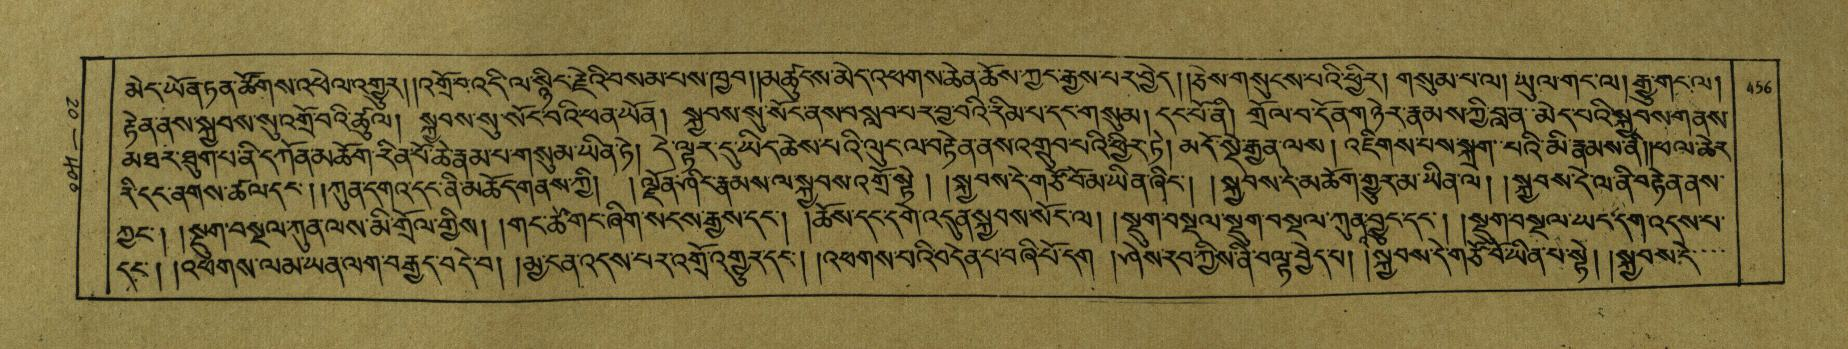མེད་ཡོན་ཏན་ཚོགས་འཕེལ་འགྱུར། །འགྲོ་བ་འདི་ལ་སྙིང་རྗེའི་བསམ་པས་ཁྱབ། །མཚུངས་མེད་འཕགས་ཆེན་ཆོས་ཀྱང་རྒྱས་པར་བྱེད། །ཅེས་གསུངས་པའི་ཕྱིར། གསུམ་པ་ལ། ཡུལ་གང་ལ། རྒྱུ་གང་ལ།
རྟེན་ནས་སྐྱབས་སུ་འགྲོ་བའི་ཚུལ། སྐྱབས་སུ་སོང་བའི་ཕན་ཡོན། སྐྱབས་སུ་སོང་ནས་བསླབ་པར་བྱ་བའི་རིམ་པ་དང་གསུམ། དང་པོ་ནི། གྲོལ་བ་དོན་གཉེར་རྣམས་ཀྱི་བླ་ན་མེད་པའི་སྐྱབས་གནས་
མཐར་ཐུག་པ་ནི་དཀོན་མཆོག་རིན་པོ་ཆེ་རྣམ་པ་གསུམ་ཡིན་ཏེ། དེ་ལྟར་དུ་ཡིད་ཆེས་པའི་ལུང་ལ་བརྟེན་ནས་འགྲུབ་པའི་ཕྱིར་ཏེ། མདོ་སྡེ་རྒྱན་ལས། འཇིགས་པས་སྐྲག་པའི་མི་རྣམས་ནི། །ཕལ་ཆེར་
རི་དང་ནགས་ཚལ་དང་། །ཀུན་དགའ་དང་ནི་མཆོད་གནས་ཀྱི། །ལྗོན་ཤིང་རྣམས་ལ་སྐྱབས་འགྲོ་སྟེ། །སྐྱབས་དེ་གཙོ་བོ་མ་ཡིན་ཞིང་། །སྐྱབས་དེ་མཆོག་གྱུར་མ་ཡིན་ལ། །སྐྱབས་དེ་ལ་ནི་བརྟེན་ནས་
ཀྱང་། །སྡུག་བསྔལ་ཀུན་ལས་མི་གྲོལ་གྱིས། །གང་ཚེ་གང་ཞིག་སངས་རྒྱས་དང་། །ཆོས་དང་དགེ་འདུན་སྐྱབས་སོང་ལ། །སྡུག་བསྔལ་སྡུག་བསྔལ་ཀུན་བྱུང་དང་། །སྡུག་བསྔལ་ཡང་དག་འདས་པ་
དང་། །འཕགས་ལམ་ཡན་ལག་བརྒྱད་བདེ་བ། །མྱ་ངན་འདས་པར་འགྲོ་འགྱུར་དང་། །འཕགས་པའི་བདེན་པ་བཞི་པོ་དག །ཤེས་རབ་ཀྱིས་ནི་བལྟ་བྱེད་པ། །སྐྱབས་དེ་གཙོ་བོ་ཡིན་པ་སྟེ། །སྐྱབས་དེ་